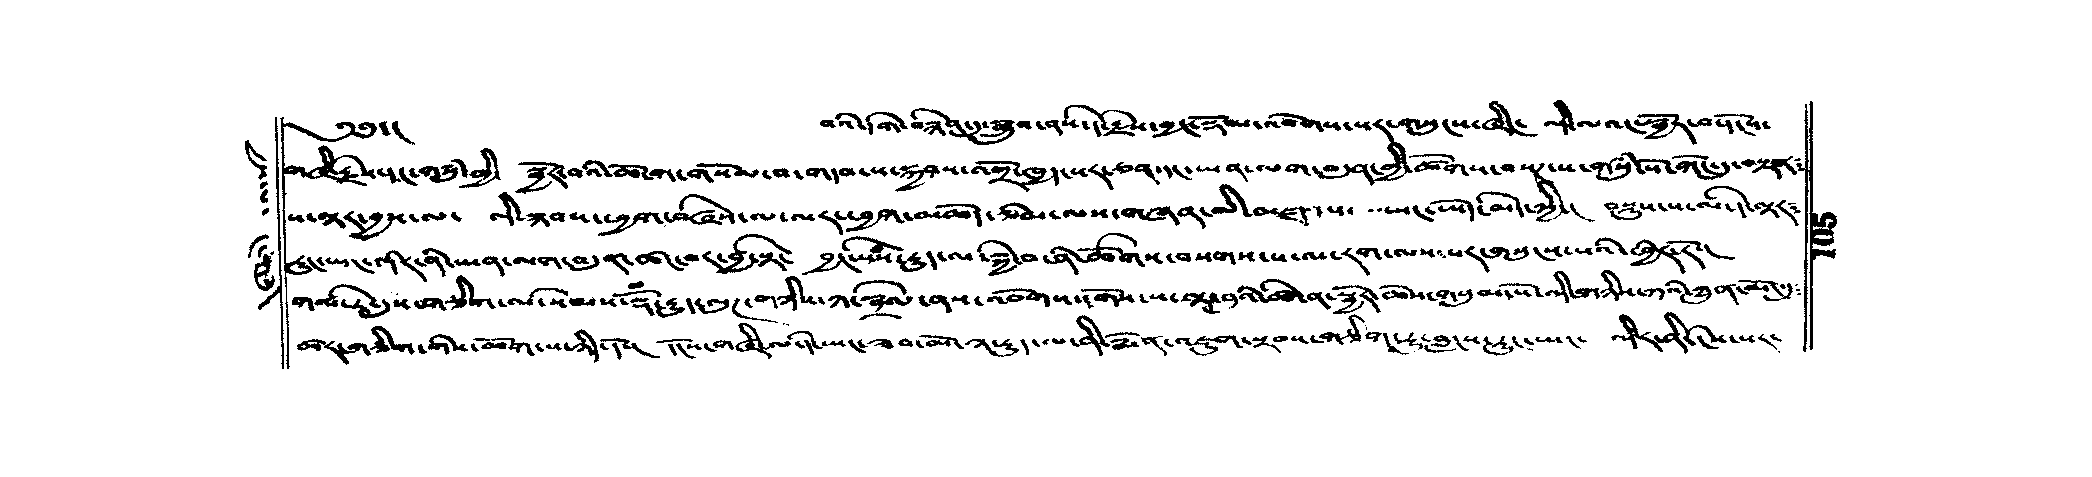བའི་དགེ་བསྙེན་དུ་སྒྲུབ་ནས་དེ་རྗེས་བྱང་སྡོམ་འབོགས་པར་གསུངས་ཤིང་། འདི་ལའང་སྦྱོར་བ་དངོས་
གཞི་རྗེས་དང་གསུམ་གྱི། སྦྱོར་བའི་ཆོ་ག་གསོལ་བ་གདབ་པ་སྐྱབས་འགྲོ་ཁྱད་པར་ཅན་དང་ཡན་ལག་བདུན་གྱི་ཚོགས་བསགས་པ་གསུམ་པོ་གོང་དུ་བསྟན་
པ་ལྟར་བྱས་ལ། འདི་སྐབས་ཕྱག་བཞེས་ལ་ལར་ཕྱག་མཆོད་ཅིམ་ལས་གཞན་མི་མཛད་པ་ཡང་ཡོད་མེད་ཀྱི། བསྡུས་པ་ལ་དེ་ལྟར་
རུང་ཡག་འདིར་ནི་ཡན་ལག་བདུན་ཚང་བར་བྱ་སྟེ། བྱང་སེམས་རྒྱུད་ལ་སྐྱེ་བ་ནི་ཚོགས་བསགས་པ་ལ་རག་ལས་པར་གསུངས་པའི་ཕྱིར་རོ། 
གལ་ཏེ་དུས་གཅིག་ལ་སེམས་སྡོམ་རྒྱུད་ལུགས་གཉིས་ཀ་སྦྲེལ་ནས་འབོགས་དགོས་པ་ལྟ་བུའི་ཚེ་ན་སྦྱོར་ཆོས་གསུམ་པོ་འདི་གཉིས་ཀའི་ཐུན་མོང་དུ་
ཚར་གཅིག་གིས་ཆོག་པ་ཉིད་དོ། དངོས་གཞི་ལ་དེ་ཡང་ཟབ་མོ་ལྟ་རྒྱུད་ལ་ནི་སྨོན་འཇུག་སྟབས་གཅིག་ཏུ་བླངས་རུང་ཡང་། འདིར་ནི་ངེས་པར་